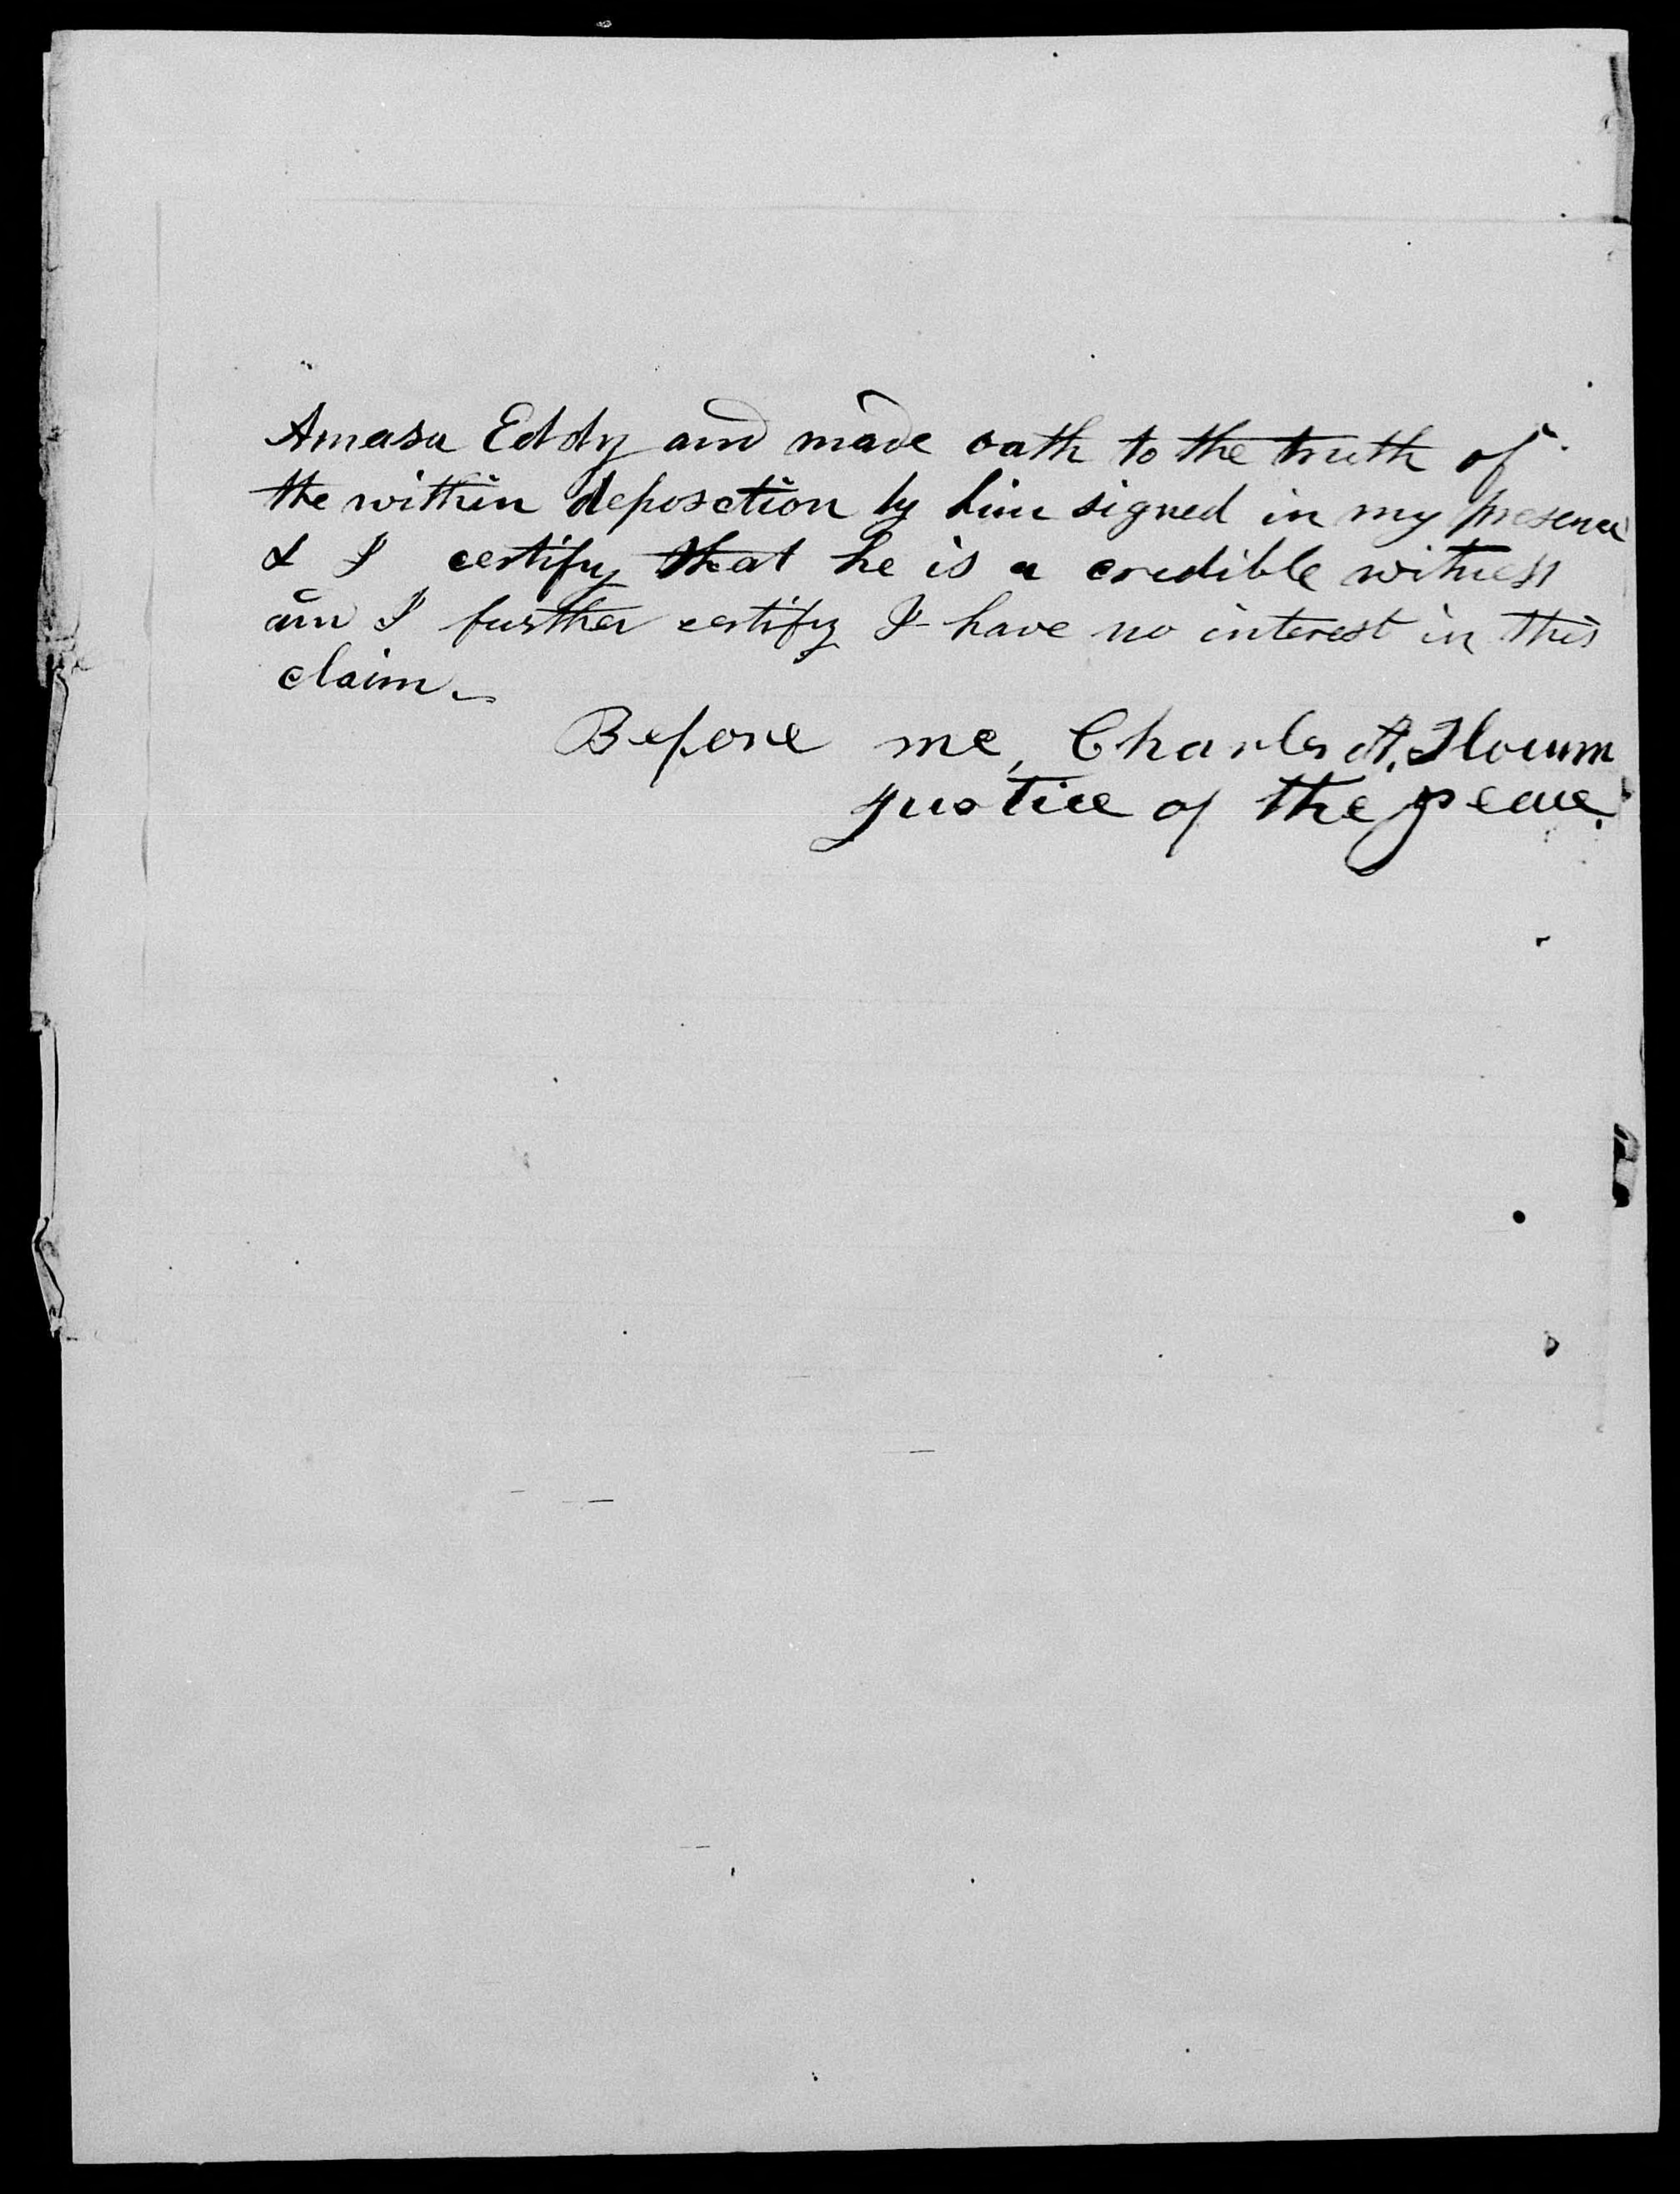Amasa Eddy and made oath to the truth of the within deposition by him signed in my presence and I certify that he is a credible witness and I further certify I have no interest in this claim.

Before me, Charles A. Slocum
Justice of the Peace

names: Charles A Slocum, Amasa Eddy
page: 65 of 76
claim: widow's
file: W. 15,517, William Gadcomb, R.I.